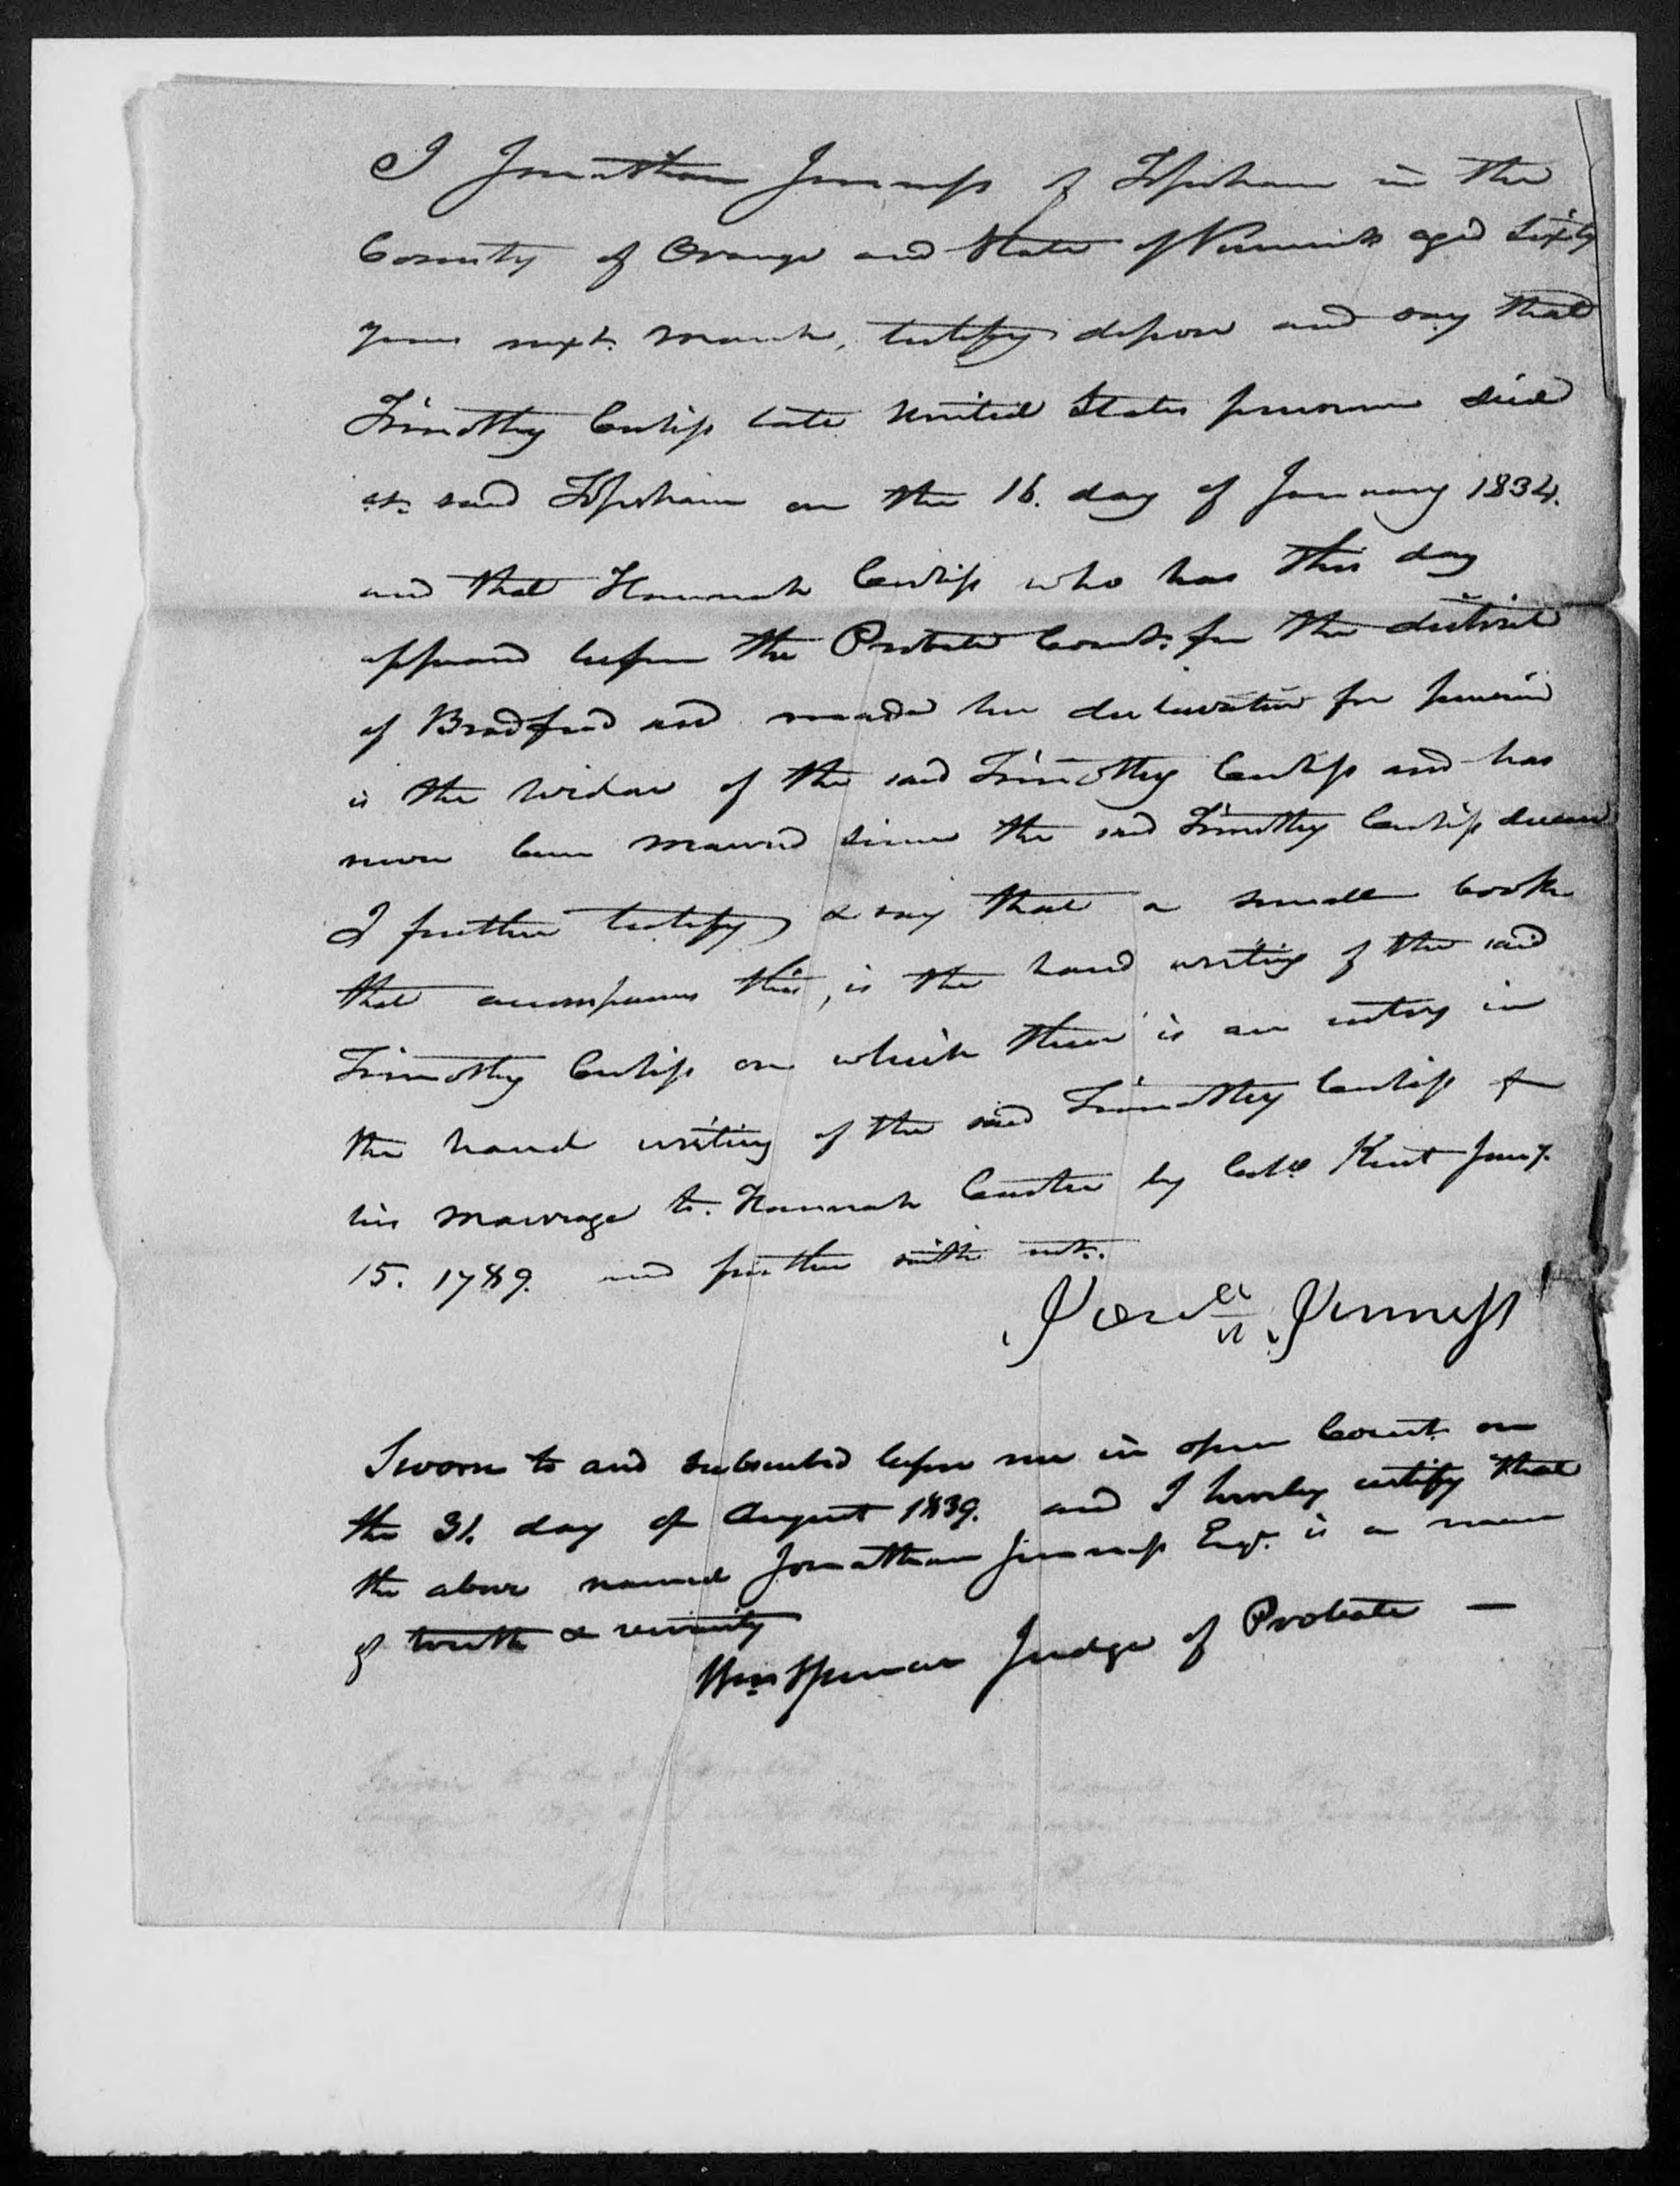I, Jonathan Jenness of Topsham in the 
County of Orange and State of Vermont aged Sixty
years next march, certify depose and say that 
Timothy Corliss late United States pensioner died in
said Topsham on the 16 day of January 1834.
and that Hannah Corliss who has this
appeared before the Probate Court for the district 
of Bradford and made her declaration for pension as 
the widow of the said Timothy Corliss and has
Never been married since the said Timothy Corliss deceased.
I further testify and say that a small book
that accompanies this is in the hand
writing of the said
Timothy Corliss on
which there is an entry in
the hand writing of the said Timothy Corliss of
his marriage to Hannah Custer by [illegible] Kent January 
15. 1789, and further saith not.
Jonathan Jenness

Sworn to and subscribed before me in open court on the 31 day of August 1839. And I hereby certify that the the above named
Jonathan Jenness Esquire is a man of truth and veracity.
William Spencer Judge of Probate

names: Wm Spencer, Hannah Corliss, Jonathan Jenness, Timothy Corliss, Timothy Corliss, Jonathan Jenness, Timothy Corliss, Jona Jenness, Timothy Corliss, Hannah Cartis, Timothy Corliss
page: 31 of 34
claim: widow's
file: W. 20,896, Timothy Corless, Continental Mass